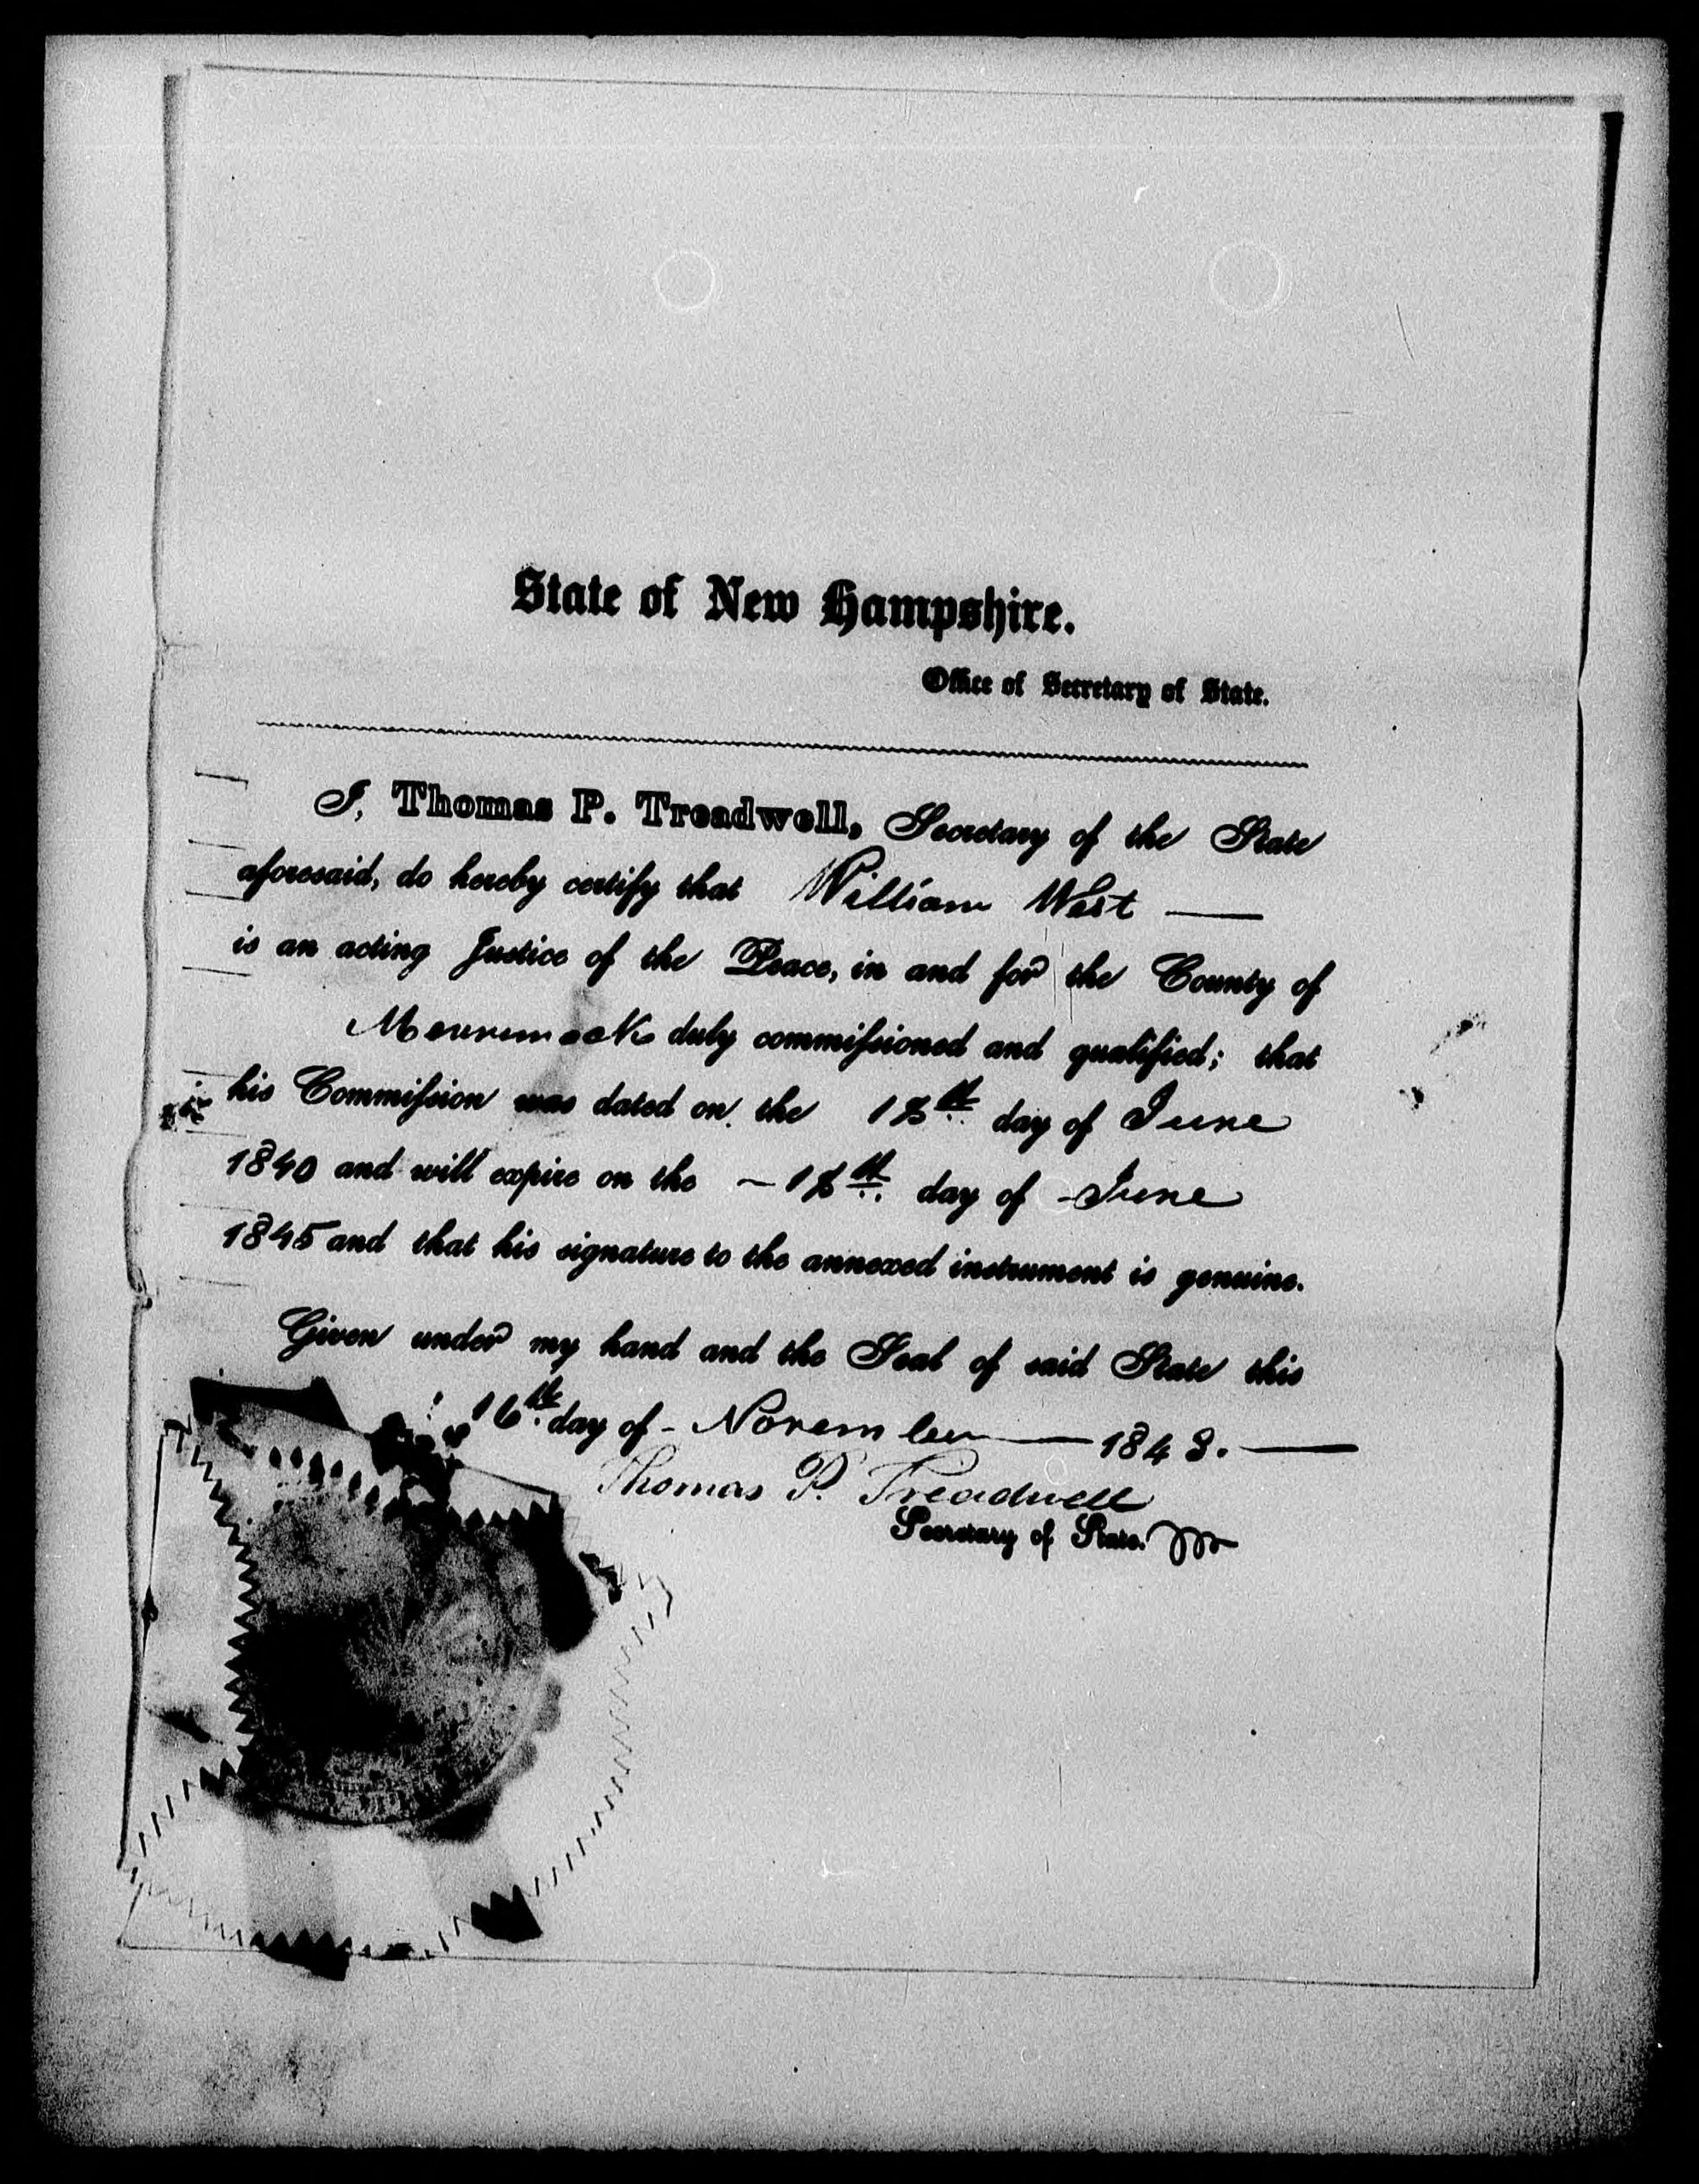State of New Hampshire.
Office of Secretary of State.
I, Thomas P. Treadwell, Secretary of the State
aforesaid, do hereby certify that William West
is an acting Justice of the Peace, in and for the County of Merrimack duly commissioned and qualified; that his Commission was dated on the 18th day of June 1840 and will expire on the 18th day of June 1845 and that his signature to the annexed instrument is genuine
Given under my hand and the Seal of said State this 16th day of November 1843.
Thomas P Treadwell
Secretary of State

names: William West, Thomas P Treadwell, Thomas P Treadwell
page: 46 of 57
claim: widow's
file: W. 16,114, John Elliot, Continental (Mass) N.H.